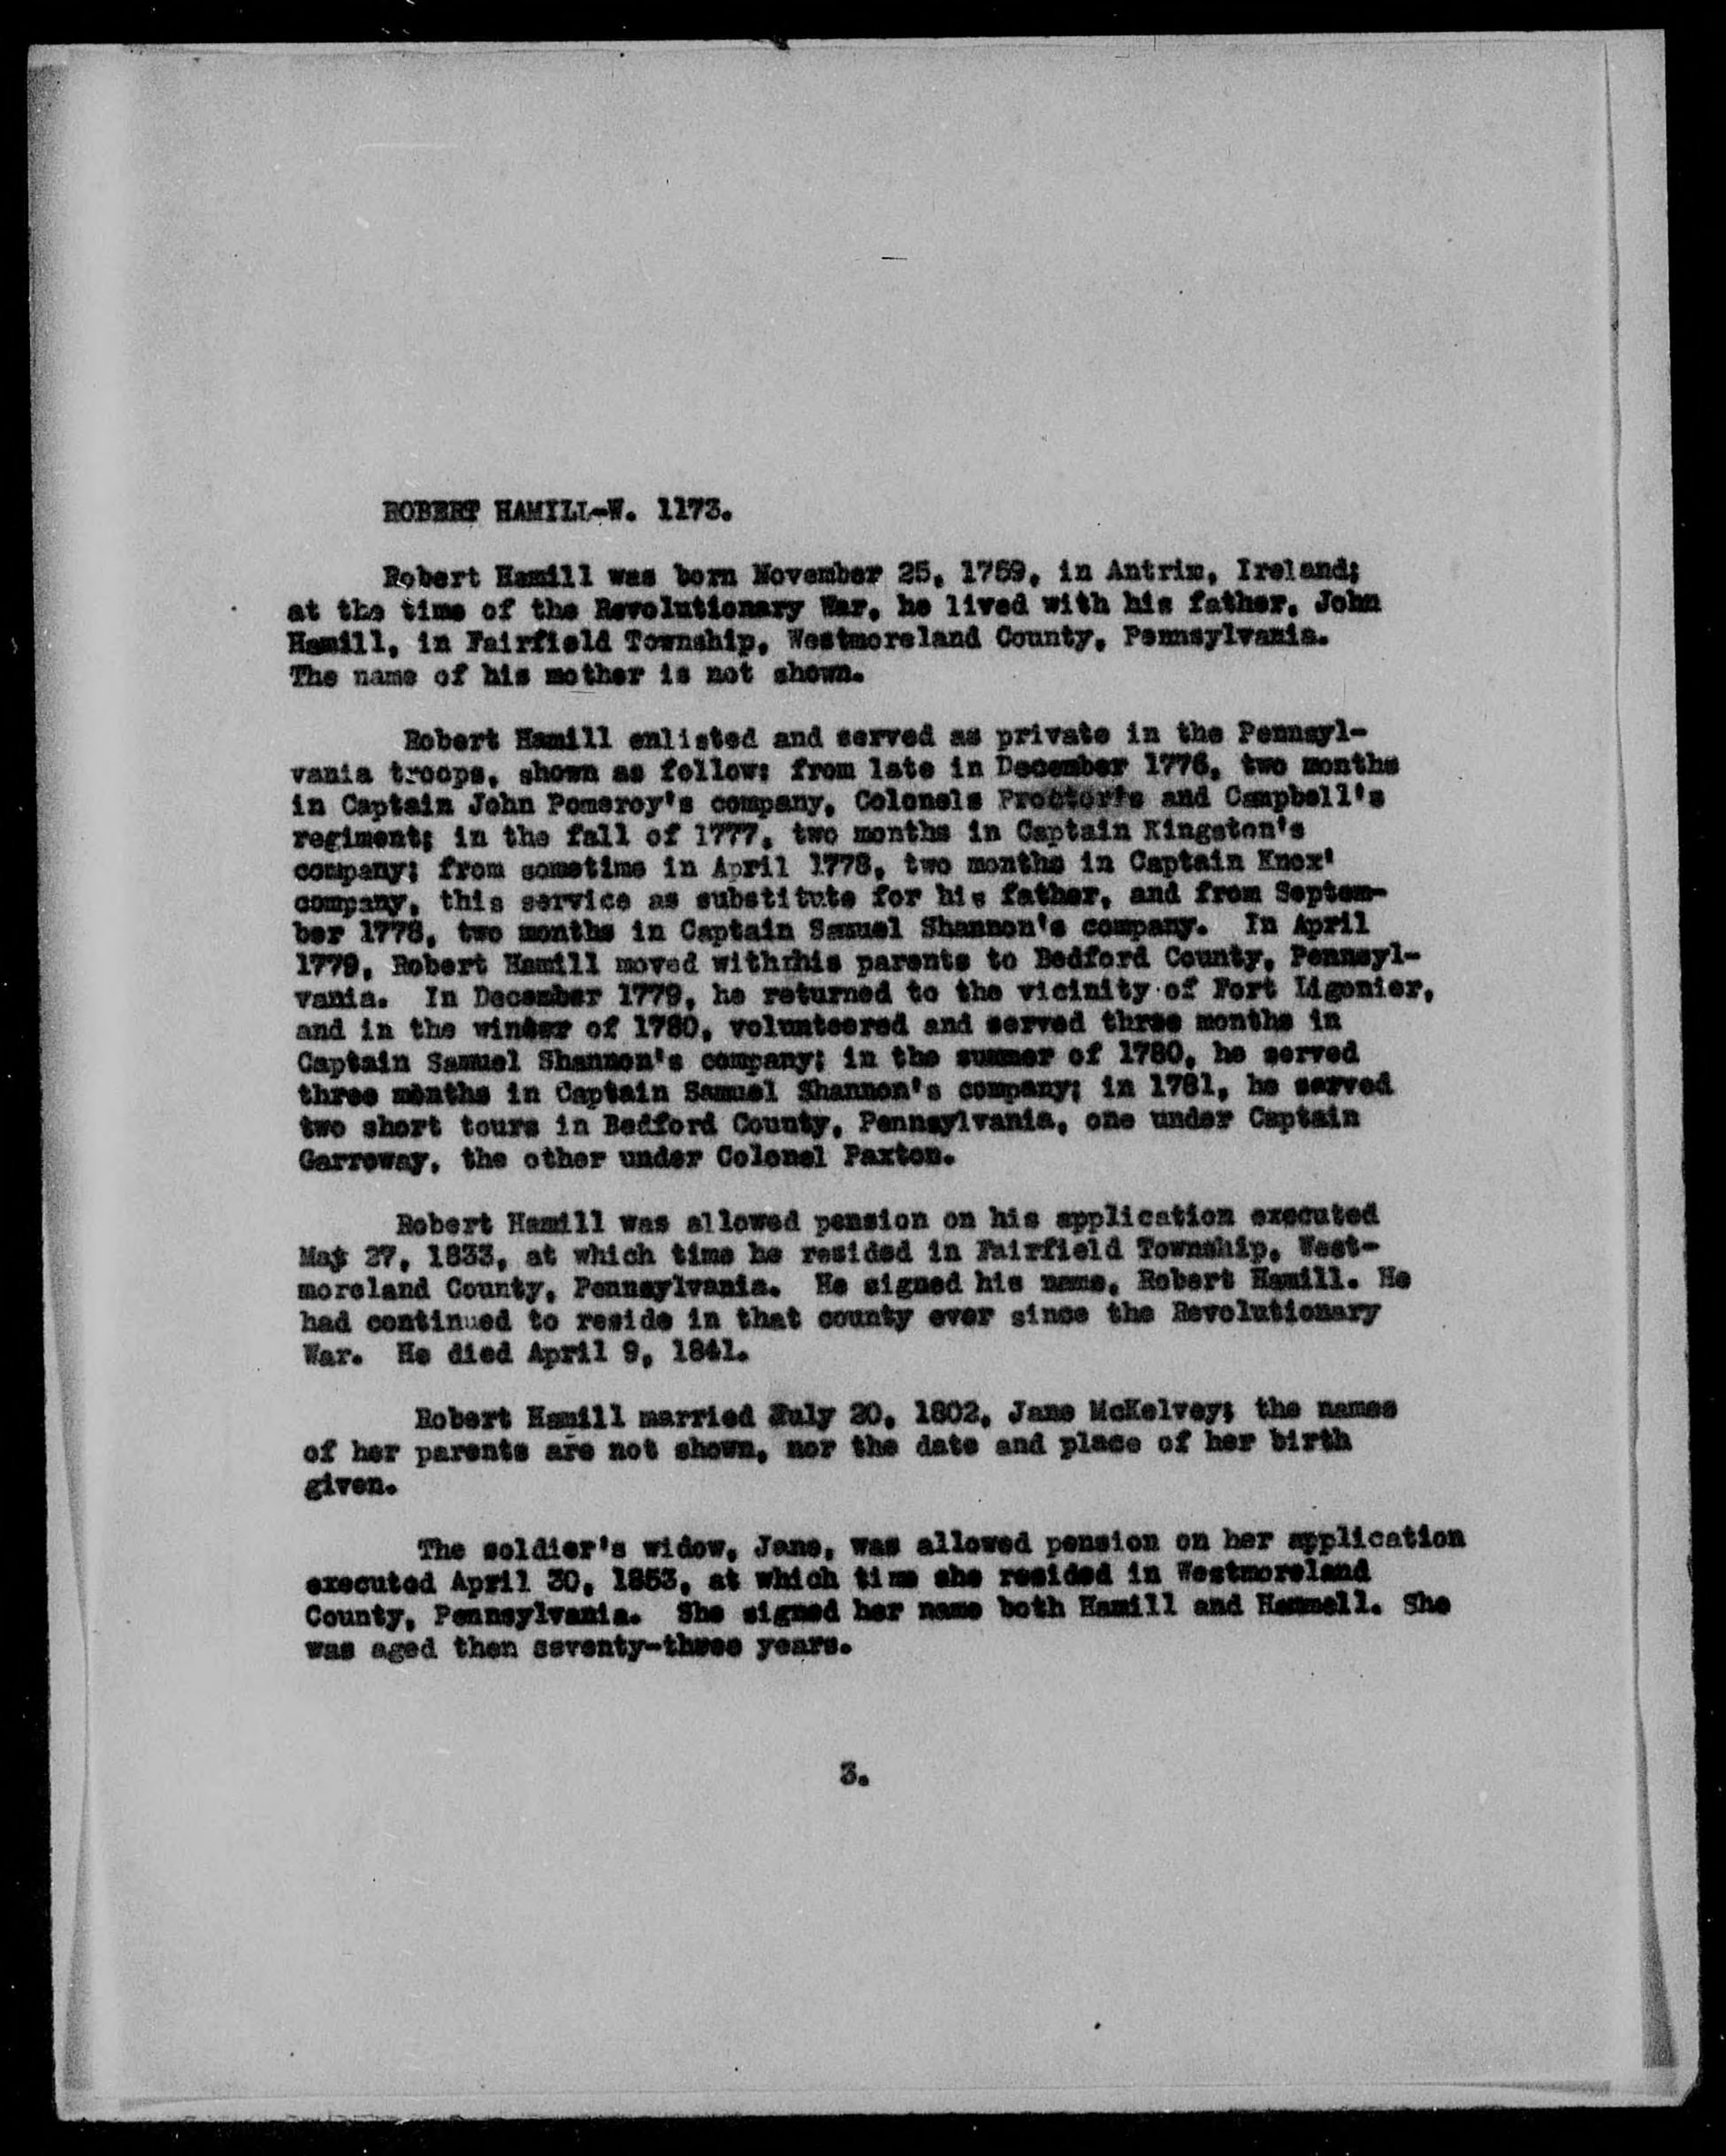ROBERT HAMILL-W. 1175

Robert Hamill was born November 25, 1759, in Astrin, Ireland; at the time of the Revolutionary War, he lived with his father, John Hamill, in Fairfield Township, Westmoreland County, Pennsylvania.  The name of his mother is not shown.

Robert Hamill enlisted and served as private in the Pennsylvania troops, shown as follows; from late in December 1776, two months in Captain John Pomeroy's company, Colonel ___ and Campbell's regiment in the fall of 1777, two months in Captain Kingston's company from sometime in April 1776, two months in Captain Knox's company, this service as substitute for his father, and from September 117, two months in Captain Samual Shannon's company.  In April 1779, Robert Hamill moved with his parents to Bedford County, Pennsylvania.  In December 1779, he returned to the vicinity of Fort Ligonier and in the winter of 1780, volunteered and served three months in Captain Samual Shannon's company; in the summer of 1780, he served three months in Captain Samuel Shannon's company in 1781, he served two short tours in Bedford County, Pennsylvania, one under Captain Garroway the other under Colonel Paxton.

Robert Hamill was allowed pension on his application executed May 27, 1833, at which time he resided in Fairfield Township, Westmoreland County, Pennsylvania.  He signed his name, Robert Hamill.  He had continued to reside in that county ever since the Revolutionary War.  He died April 9, 1841.

Robert Hamill married July 20, 1802, Jane McKelvey, the names of her parents are not shown, nor the date and place of her birth given.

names: Paxton, Robert Hamill, Jane Mc Kelvey, Garroway, Robert Hamill, Hamill, Robert Hamill, Hammell, Robert Hamill, Robert Hamill, Robert Hamill, Jane, Robert Hamill, John Hamill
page: 51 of 92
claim: widow's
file: W 1173, Robert Hamill, Penn.